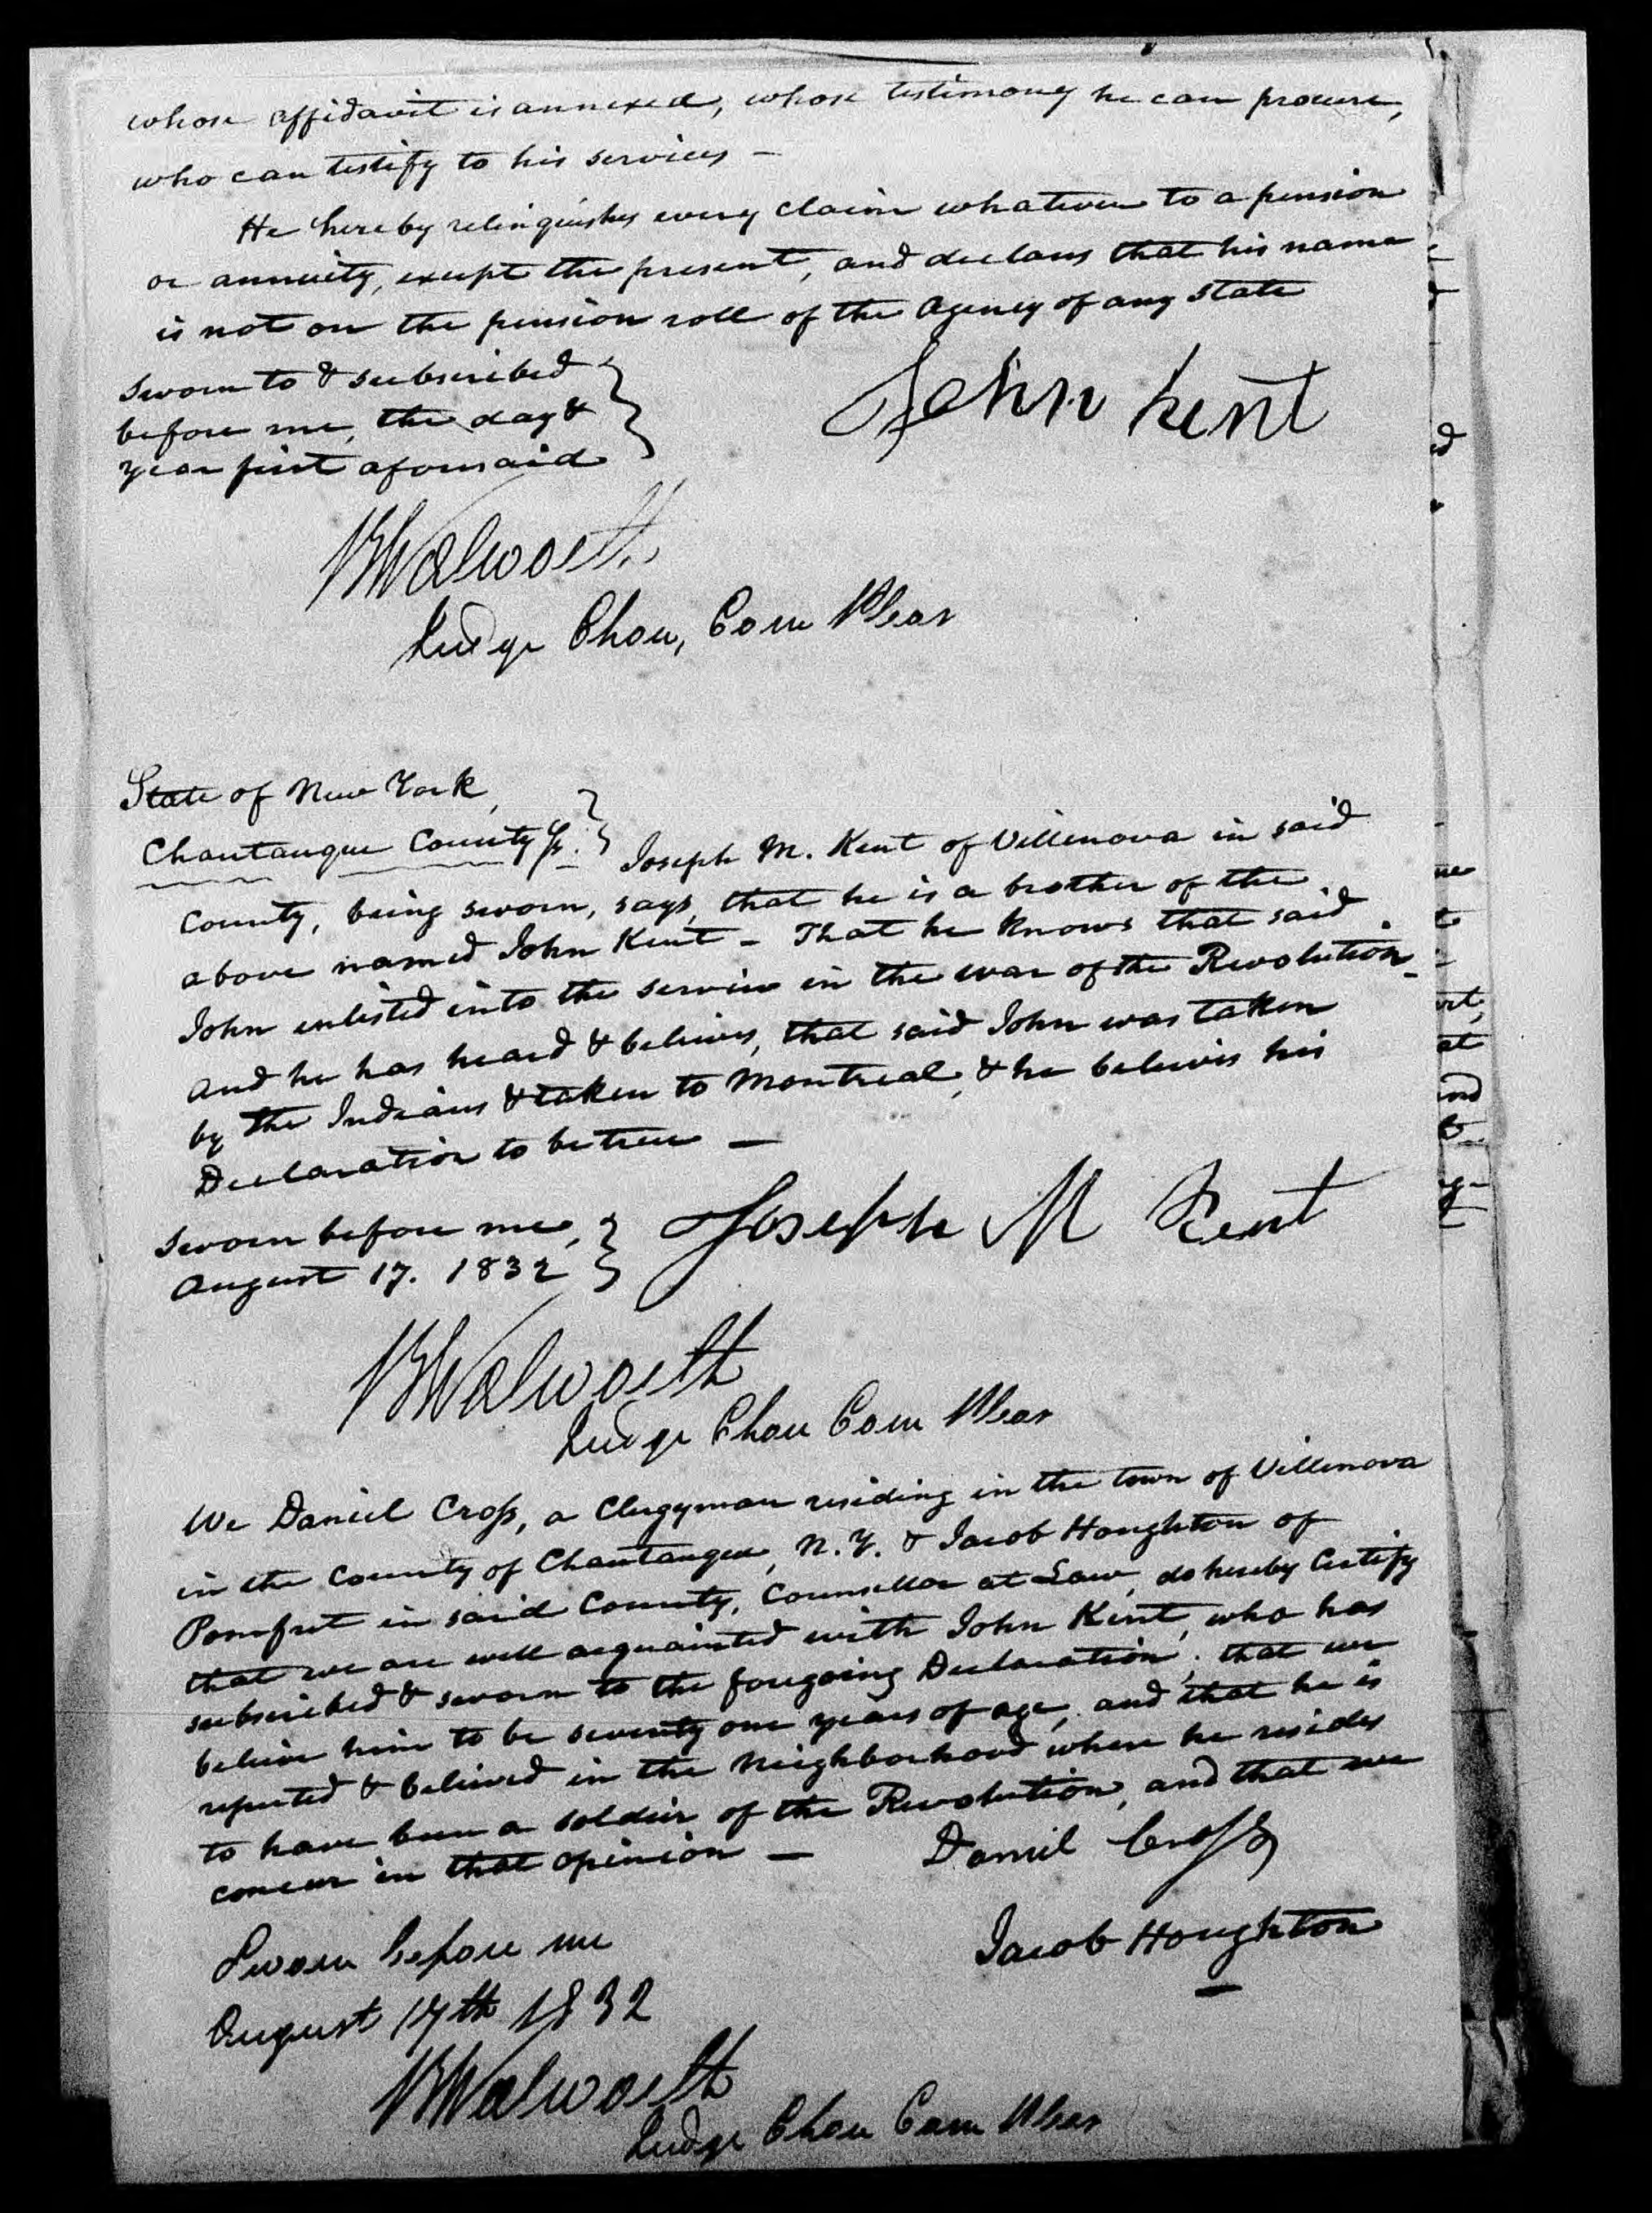whose affidavit is annexed, whose testimony he can procure, who can testify to his services - 
He hereby relinquishes every claim whatever to a pension or annuity, except the present and declares that his name is not on the pension roll of the agency of any state 
John Kent

Sworn to & subscribed before me, the day & year first aforesaid 
B Walworth 
Judge [illegible] Chau, Com Pleas

State of New York 
Chautauqua County ss. ⎬ 
Joseph M. Kent of Villenova in said County, being sworn, says, that he is a brother of the above named John Kent - That he knows that said John enlisted into the service in the war of the Revolution and he has heard & believes, that said John was taken by the Indians & taken to Montreal & he believes his Declaration to be true -
Joseph M Kent

Sworn before me, August 17th 1832 ⎬ 
B Walworth 
Judge Chau Com Pleas 

We Daniel Cross, a clergyman residing in the town of Villenova in the County of Chautauqua N.Y. & Jacob Houghton of Pomfret in said County, Counsellor at Law, do hereby certify that we are well acquainted with John Kent, who has subscribed & sworn to the foregoing Declaration; that we believe him to be seventy one years of age, and that he is reputed & believed in the neighborhood when he resides to have been a soldier of the Revolution, and that we concur in that opinion -
Daniel Cross
Jacob Houghton

Sworn before me August 17th 1832 
B Walworth 
Judge Chau Com Pleas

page: 15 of 50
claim: widow's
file: W. 4253, for John Kent, Vermont